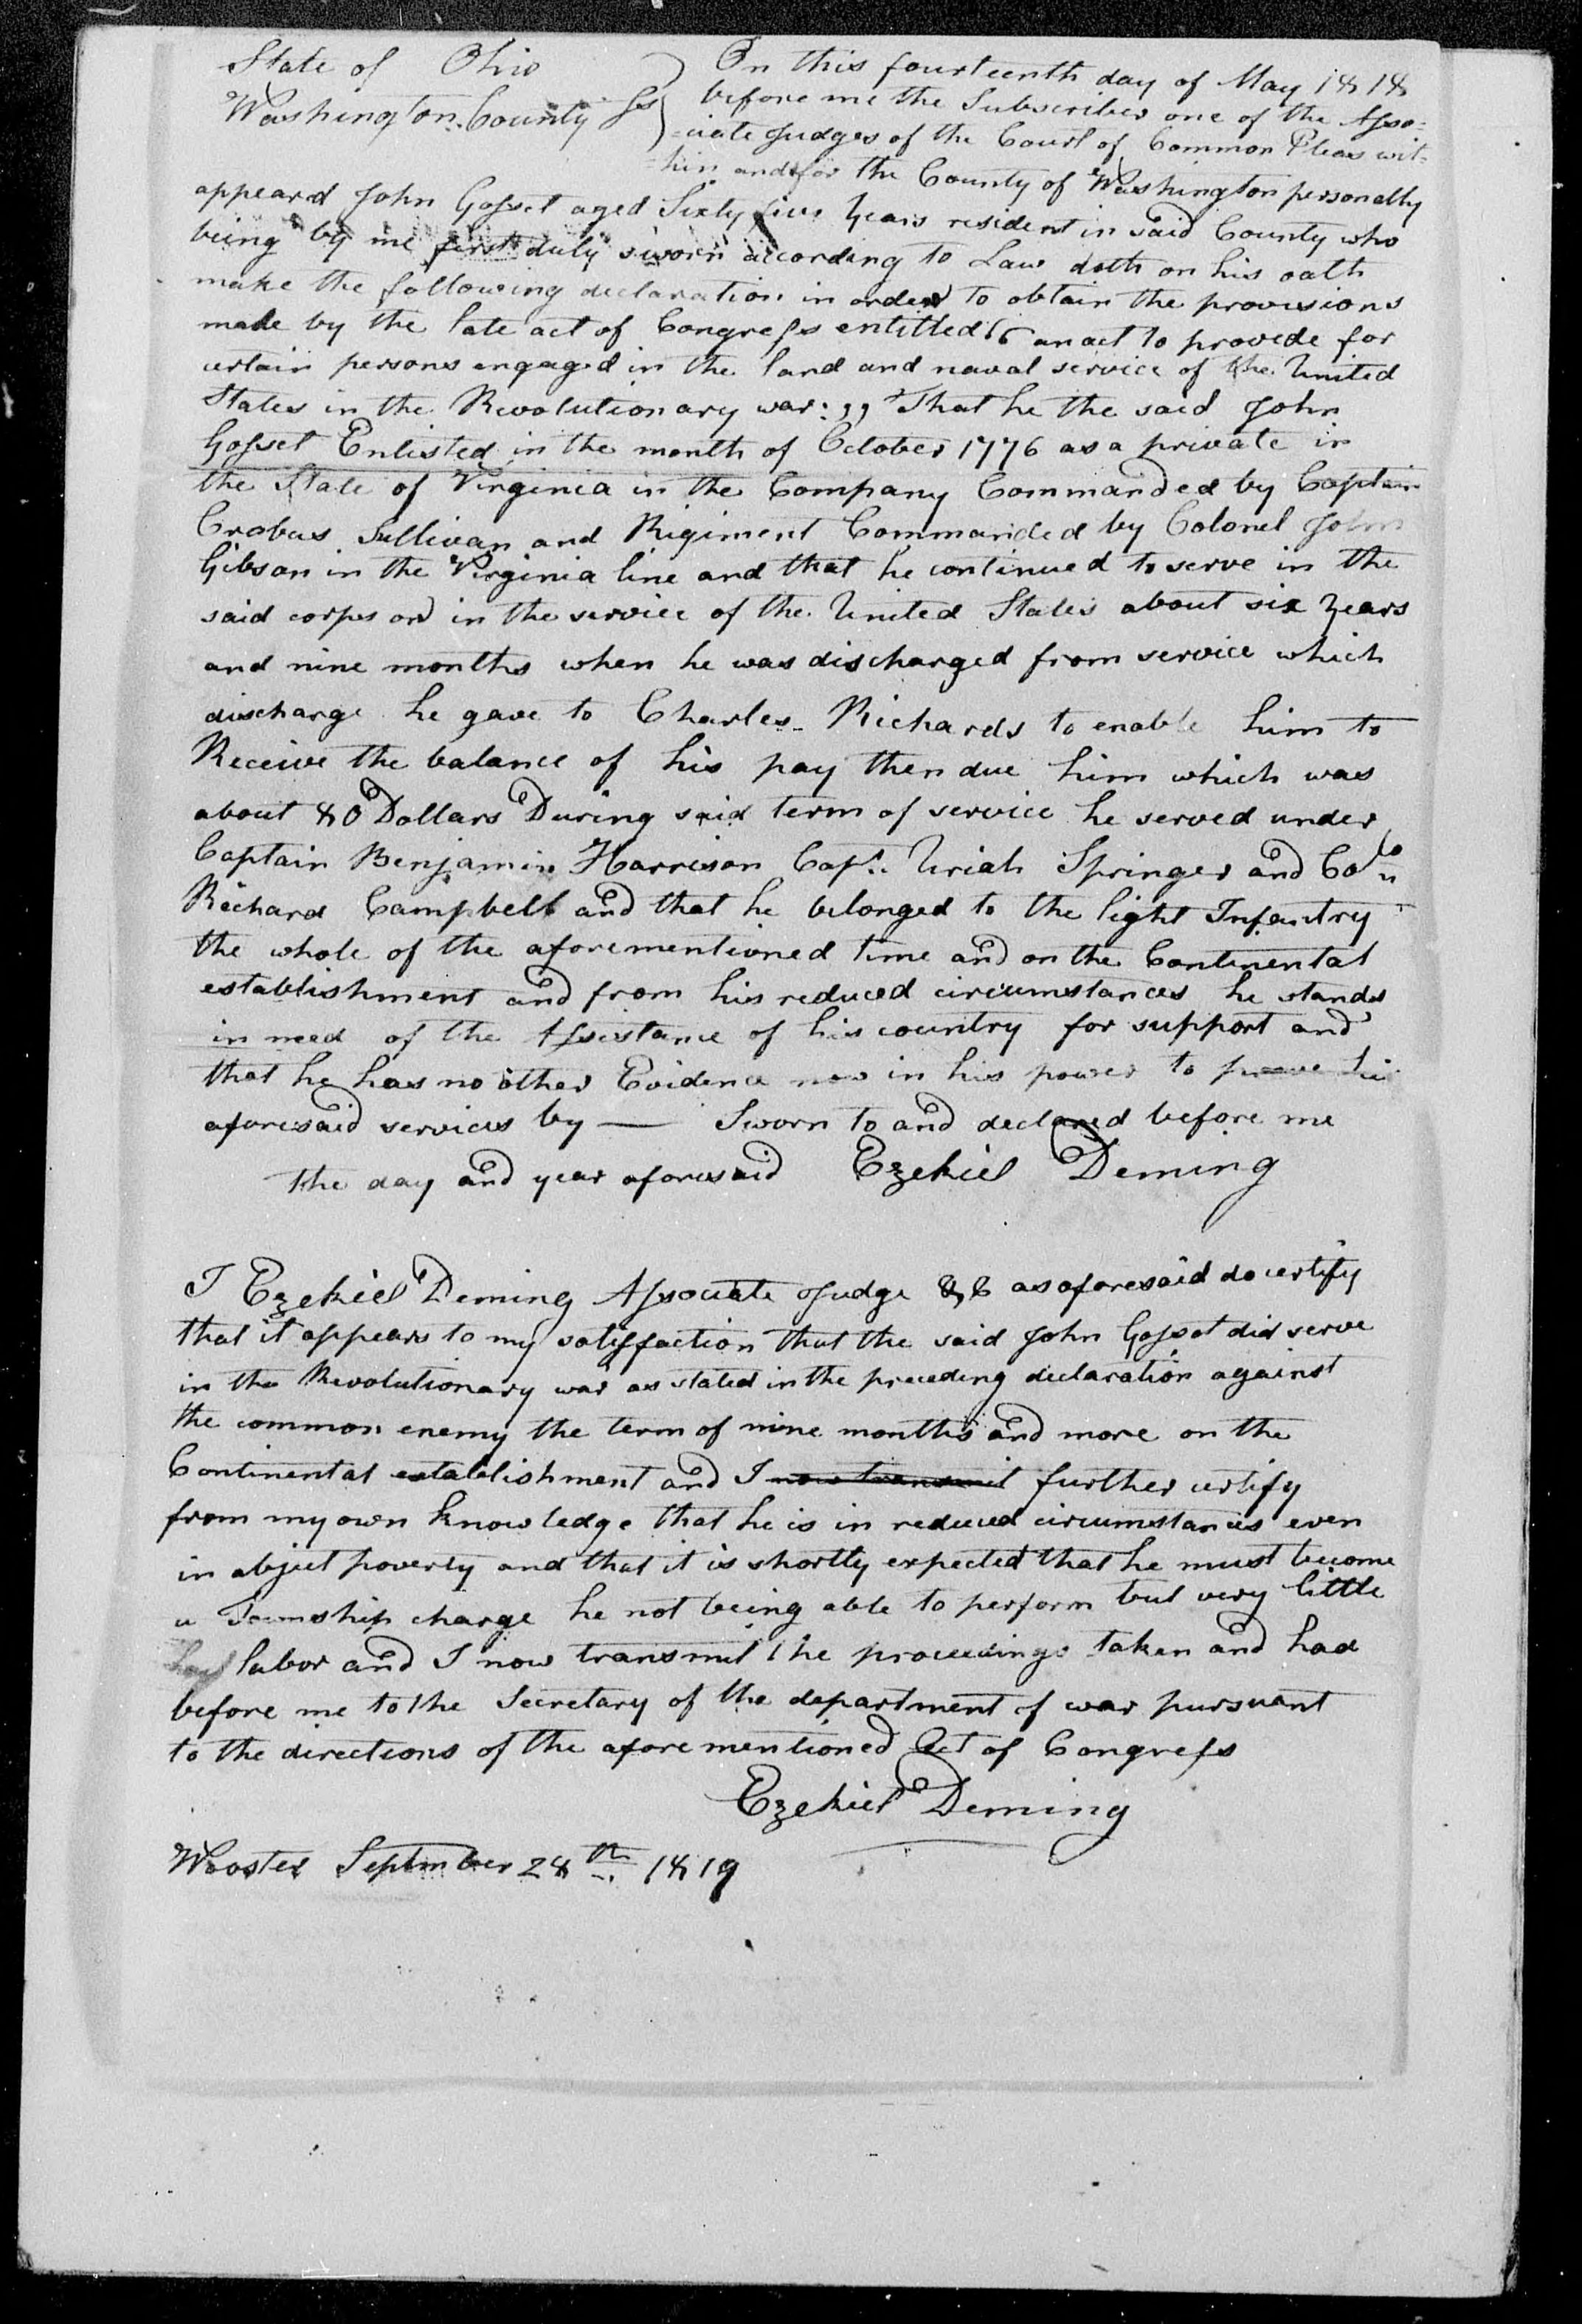State of Ohio Washington County Ss}
On this fourteenth day of May 1818 before me the subscriber one of the Associate Judges of the Court of Common Pleas within and for the County of Washington personally appeared John Gosset aged Sixty five years resident in said County who being by me first duly sworn according to Law doth on his oath make the following declaration in order to obtain the provisions made by the late act of Congress entitled "an act to provide for certain persons engaged in the land and naval service of the United States in the Revolutionary War;" That he the said John Gosset Enlisted in the month of October 1776 as a private in the State of Virginia in the Company Commanded by Captain Crobus Sullivan and Regiment Commanded by Colonel John Gibson in the Virginia line and that he continued to serve in the said corps or in the service of the United States about six years and nine months when he was discharged from service which discharge he gave to Charles Richards to enable him to Receive the balance of his pay then due him which was about 80 Dollars. During said term of service he served under Captain Benjamin Harrison Captain Uriah Springer and Colo Richard Campbell and that he belonged to the Light Infantry the whole of the aforementioned time and on the Continental establishment and from his reduced circumstances he stands in need of the assistance of his Country for support and that he has no other Evidence now in his power to prove his aforesaid services by~ Sworn to and declared before me the day and year Last aforesaid
Ezekiel Deming [signature]

I Ezekiel Deming Associate Judge &c as aforesaid do certify that it appears to my satisfaction that the said John Gosset did serve in the Revolutionary war as stated in the preceding declaration against the common enemy the term of nine months and more on the Continental establishment and I further certify from my own knowledge that he is in reduced circumstances even in abject poverty and that it is shortly expected that he must become a Township charge he not being able to perform but very little labor and I now transmit the proceedings taken and had before me to the Secretary of the department of war pursuant to the directions of the aforementioned Act of Congress
Ezekiel Deming [signature]
Wooster September 28th, 1819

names: John Gosset, Charles Richards, Ezekiel Deming, Ezekiel Deming, John Gosset, Ezekiel Deming, Crobus Sullivan, Benjamin Harrison, John Gosset, Richard Campbell, John Gibson, Uriah Springer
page: 19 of 21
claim: survivor's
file: S. 42,750, John Gosset, Va.